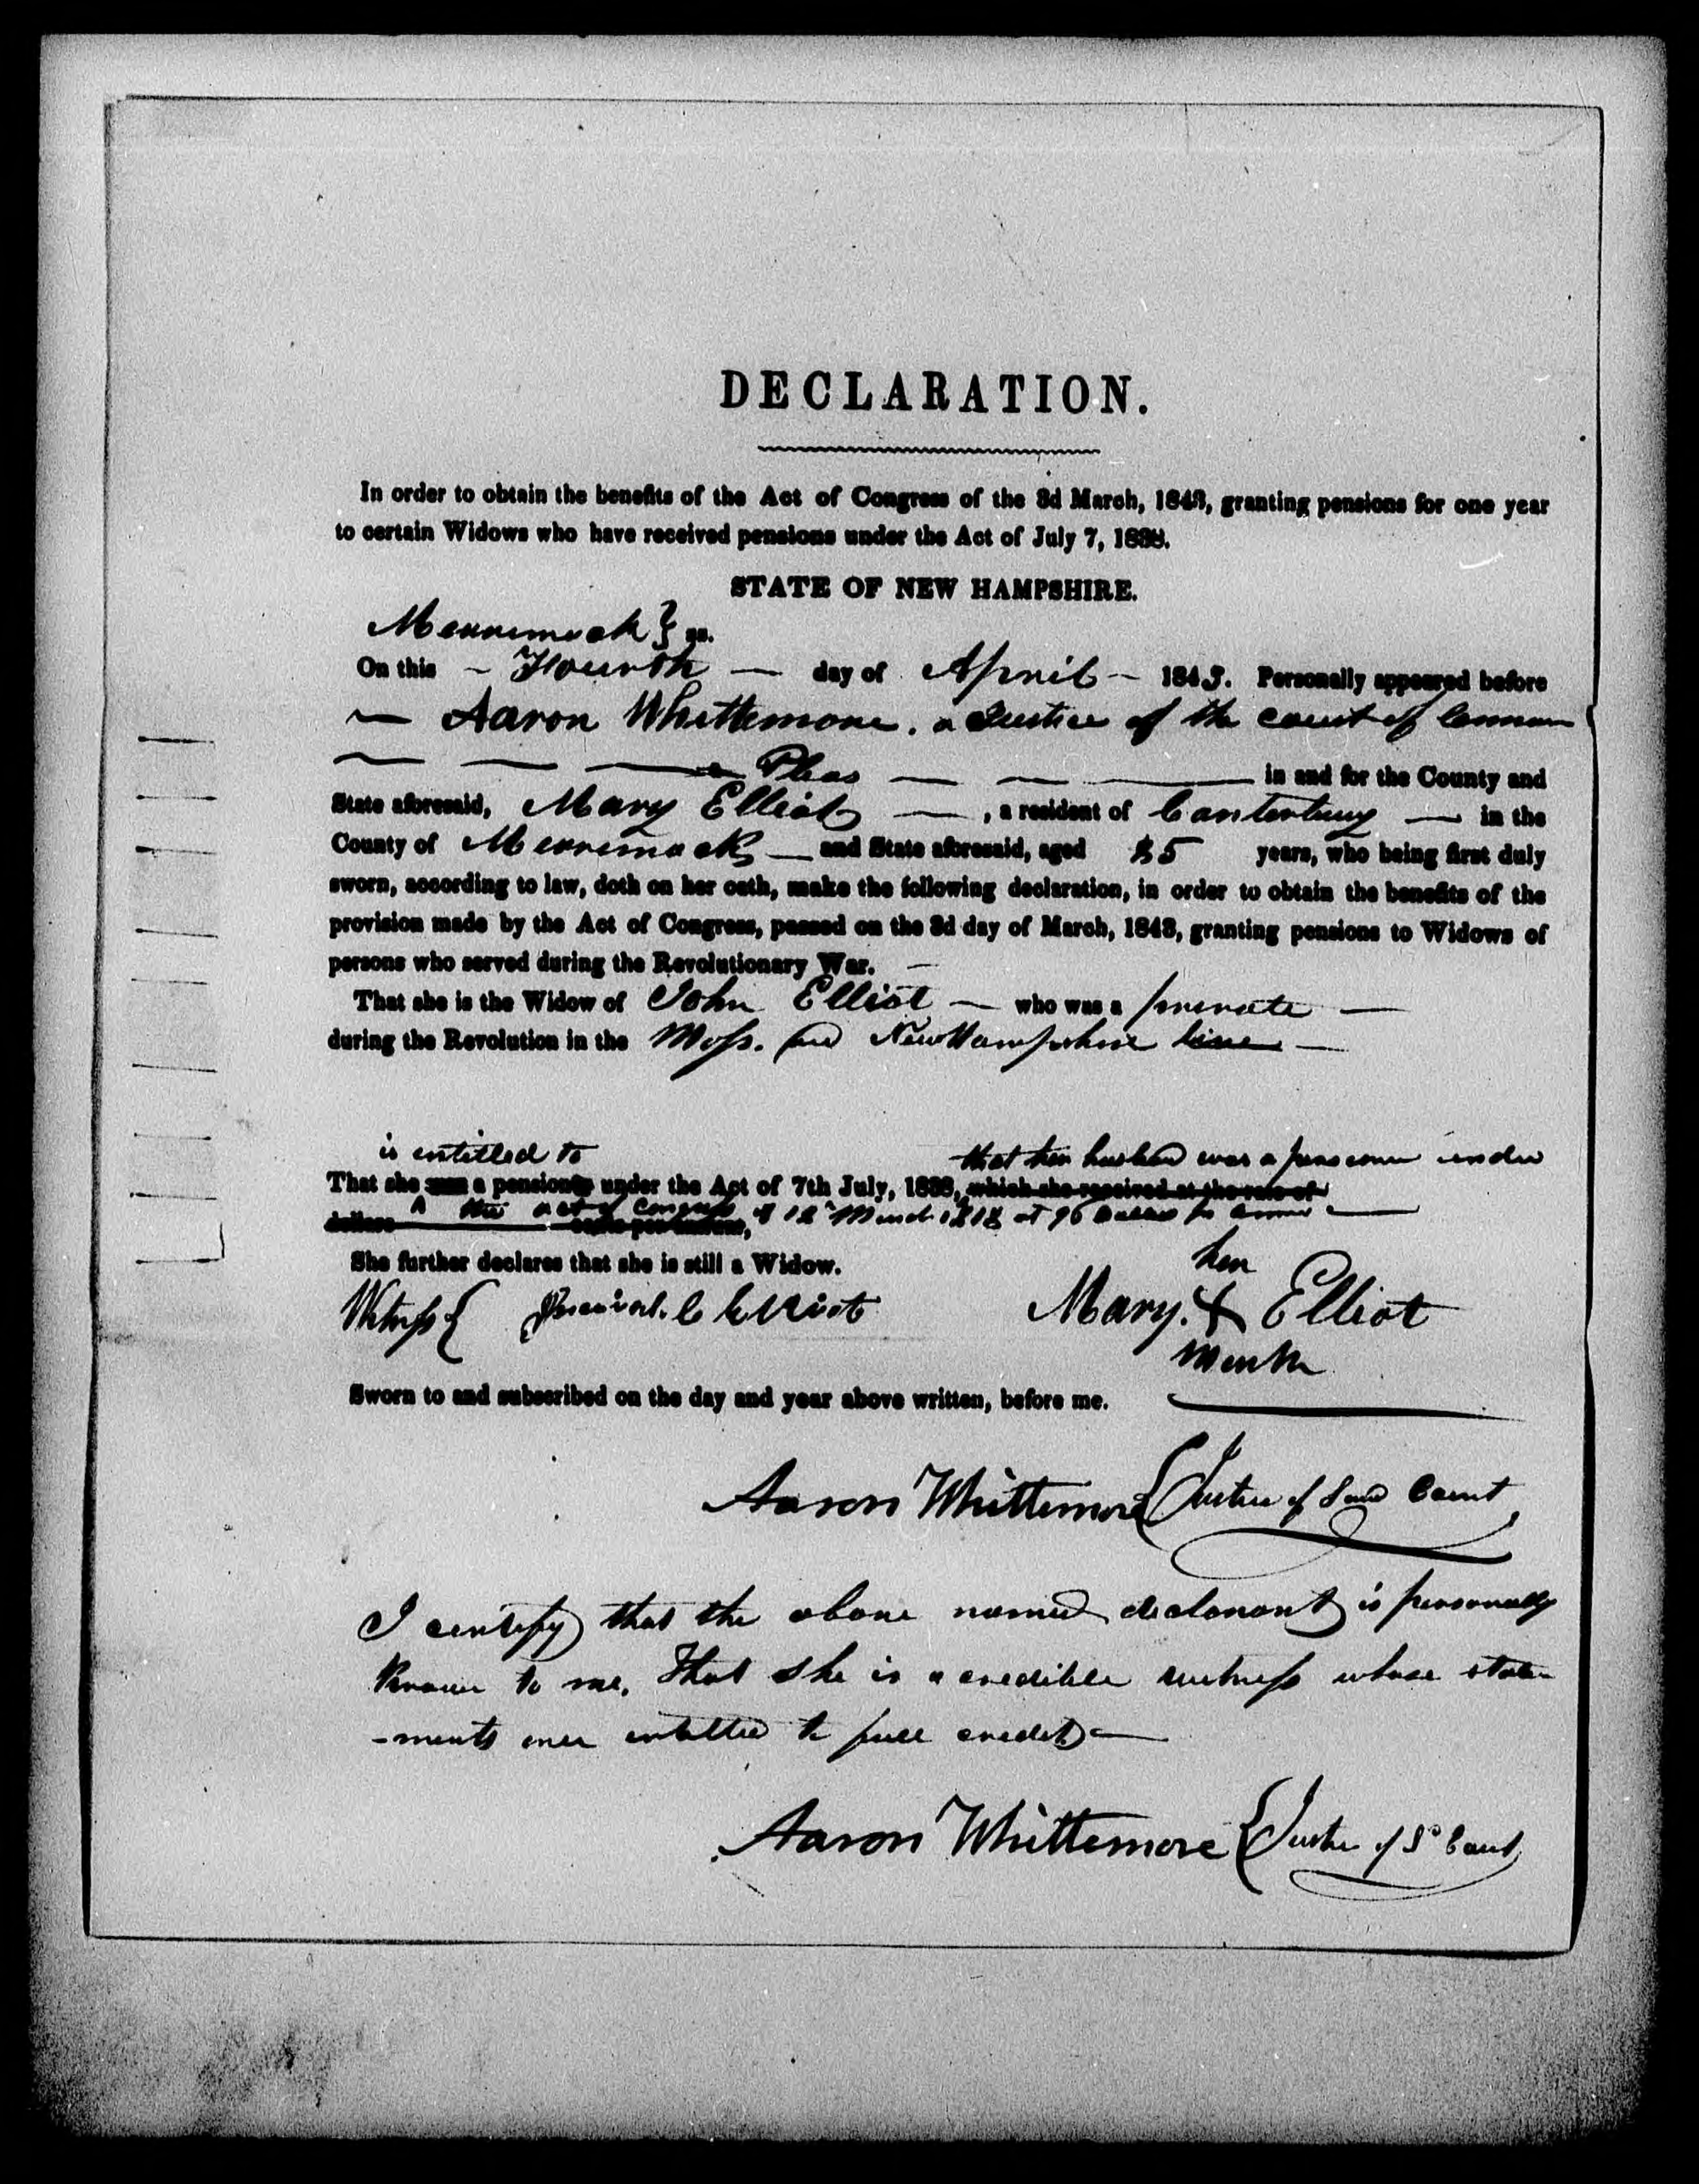DECLARATION.
In order to obtain the benefits of the Act of Congress of the 3d March, 1843, granting pensions for one year
to certain Widows who have received pensions under the Act of July 7, 1838.

STATE OF NEW HAMPSHIRE.
Merrimack } ss
On this fourth day of April 1843. Personally appeared before
Aaron Whittemore, a Justice of the Court of Common Pleas
in and for the County and
State aforesaid Mary Elliot, a resident of Canterbury in the
County of Merrimack and State aforesaid, aged 85 years, who being first duly
sworn, according to law, doth on her oath, make the following declaration, in order to obtain the benefits of the
provision made by the Act of Congress, passed on the 2d day of March, 1843, granting pensions to Widows of
persons who served during the Revolutionary War.
That she is the Widow of John Elliot who was a private during the Revolution in the Mass and New Hampshire line

that her husband was a pensioner under
That she is entitled to a pension under the Act of 7th July, 1838, [crossed out which he received the dollars]
[illegible] her husband was a pensioner under a [illegible]

She further declares that she is still a widow.
her
Mary & Elliot
mark
Witness Jeremiah C Elliot
Aaron Whittemore Justice of Said Court

I certify that the above named declarant is personally known to me. That she is a credible witness when statements ever entitled to full credit.-
Aaron Whittemore Justice of Sd Court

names: Aaron Whittemore, Jeremiah C Elliot, John Elliot, Aaron Whittemore, Mary Elliot, Mary Elliot, Aaron Whittemore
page: 45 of 57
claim: widow's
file: W. 16,114, John Elliot, Continental (Mass) N.H.